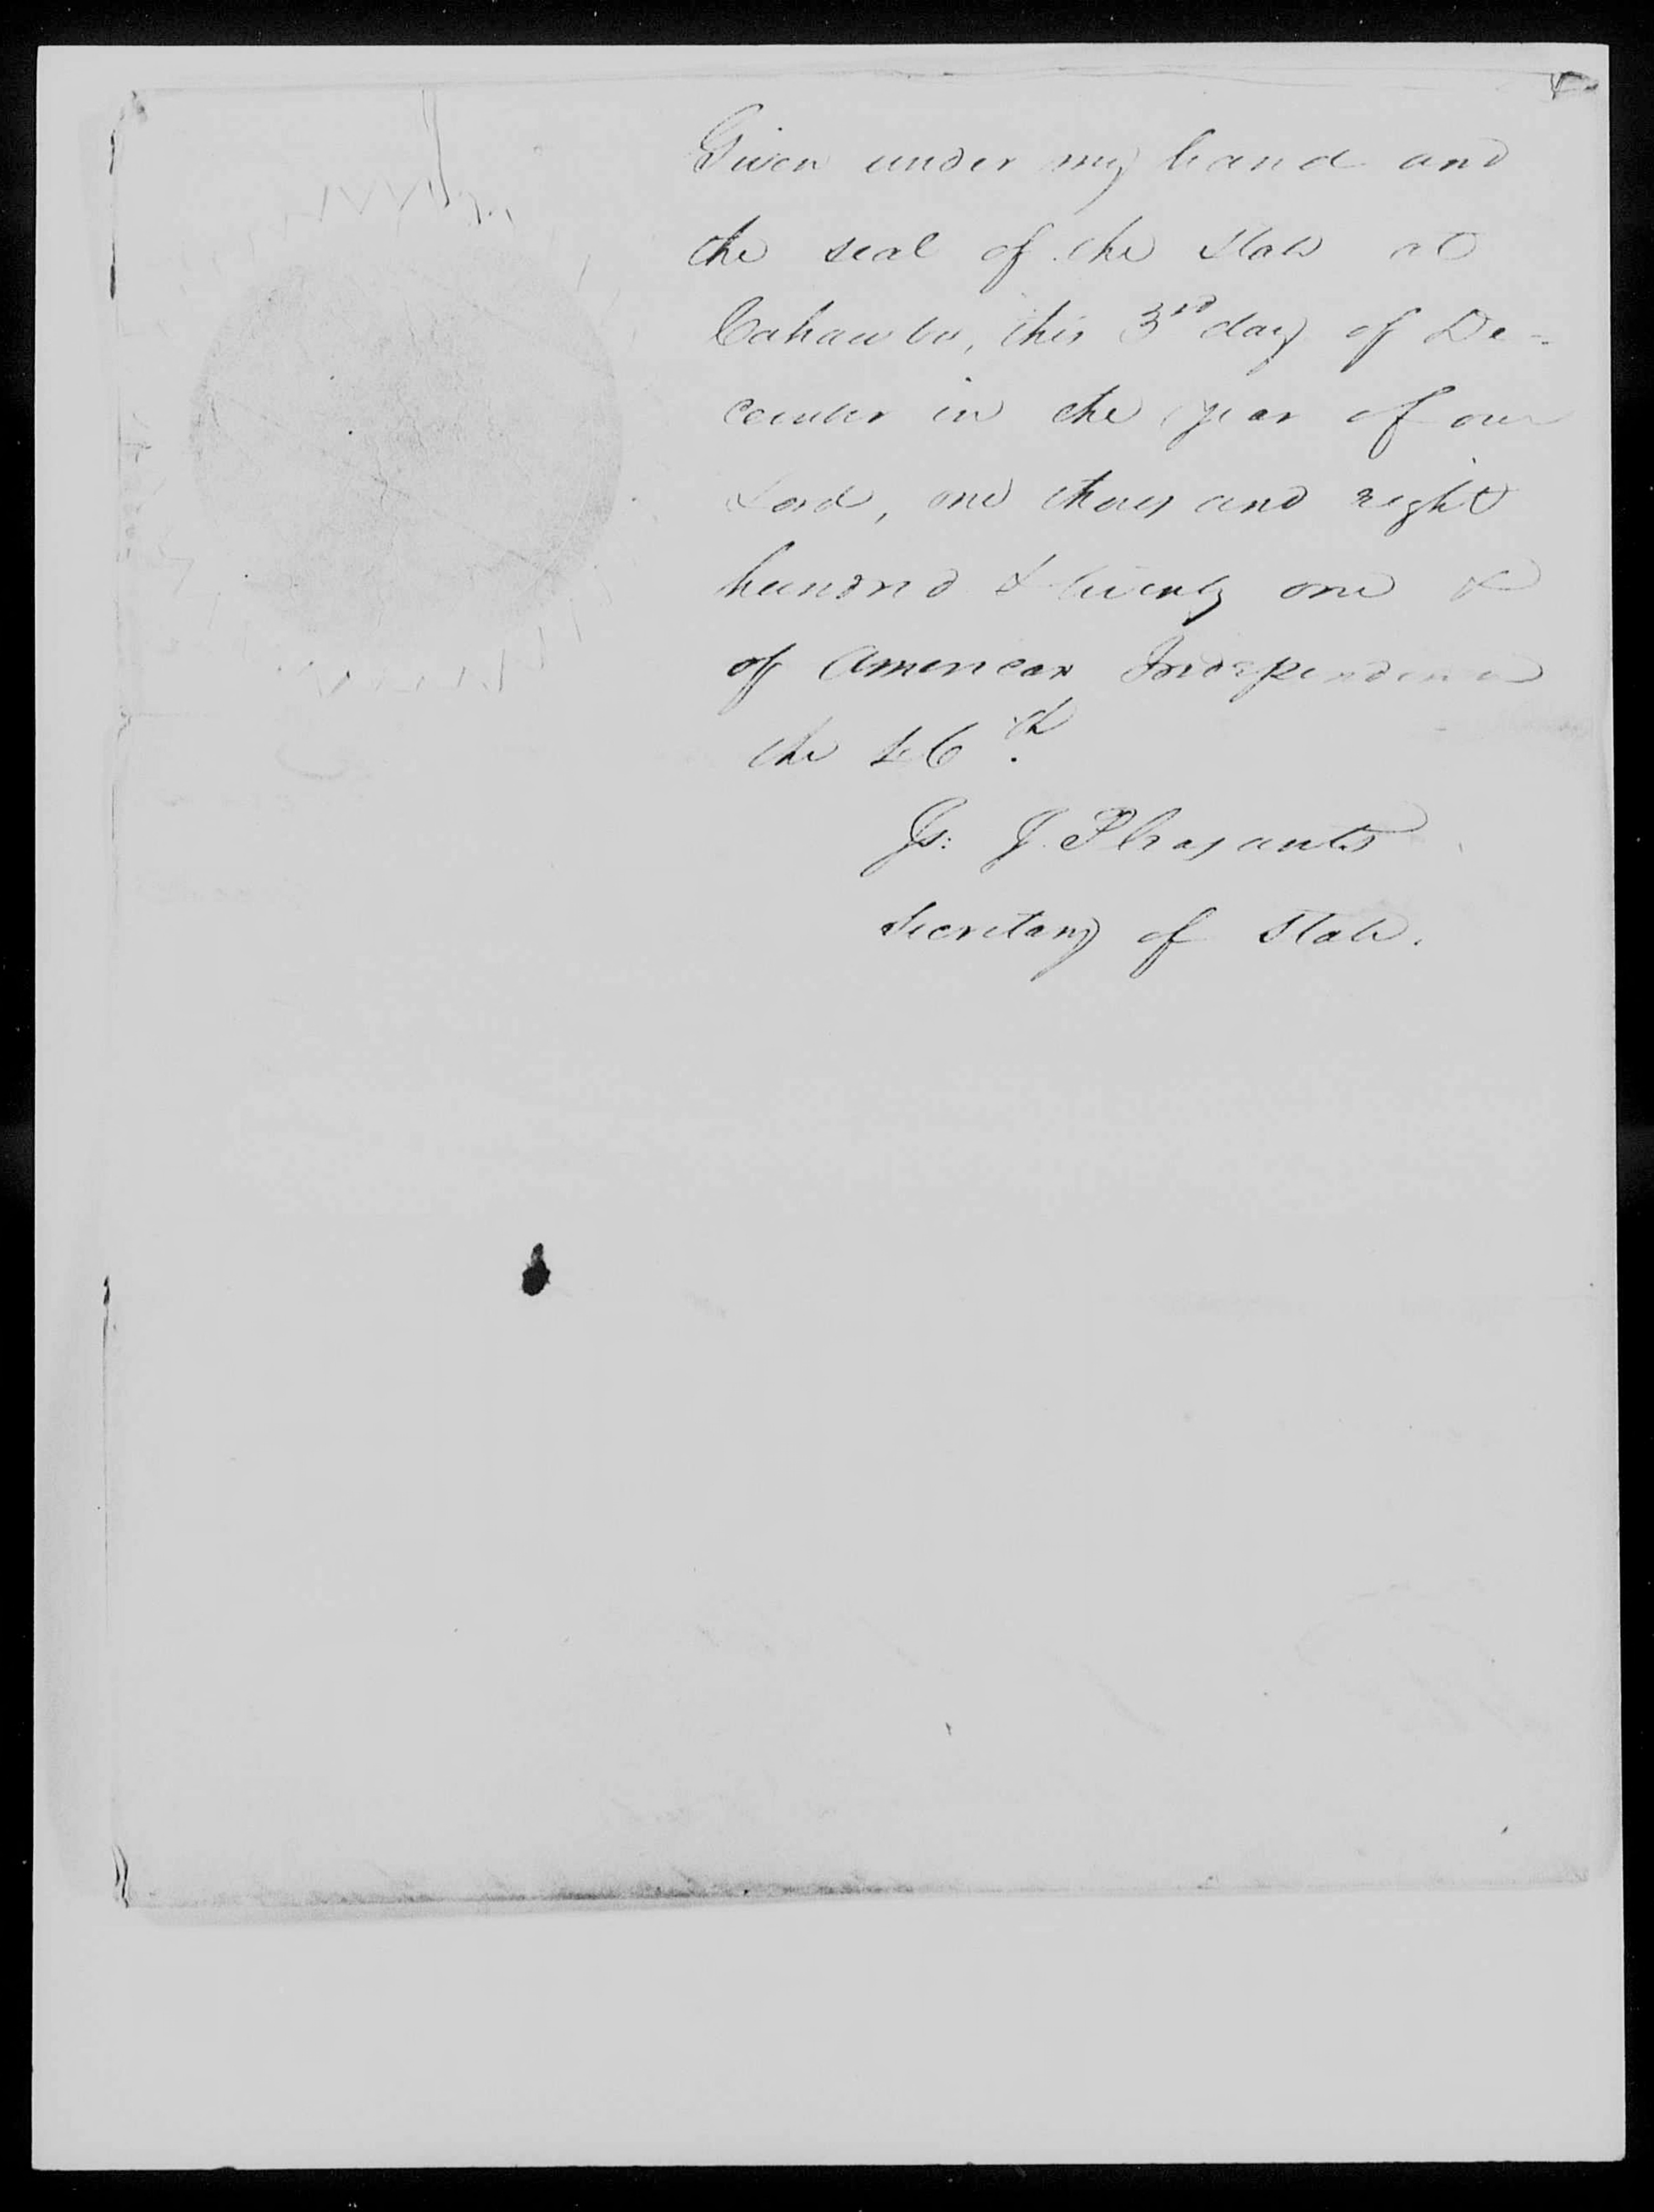Given under my hand and
the seal of the State at
Cahawba, this 3rd day of December
in the year of our
Lord, one thousand and eight
hundred & twenty one &
of American Independence
the 16th.
James J. Pleasants
Secretary of State.
[outline of seal to the right]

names: Js J Pleasants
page: 23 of 29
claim: survivor's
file: S. 37,795, Benjamin Bolton, N.C.